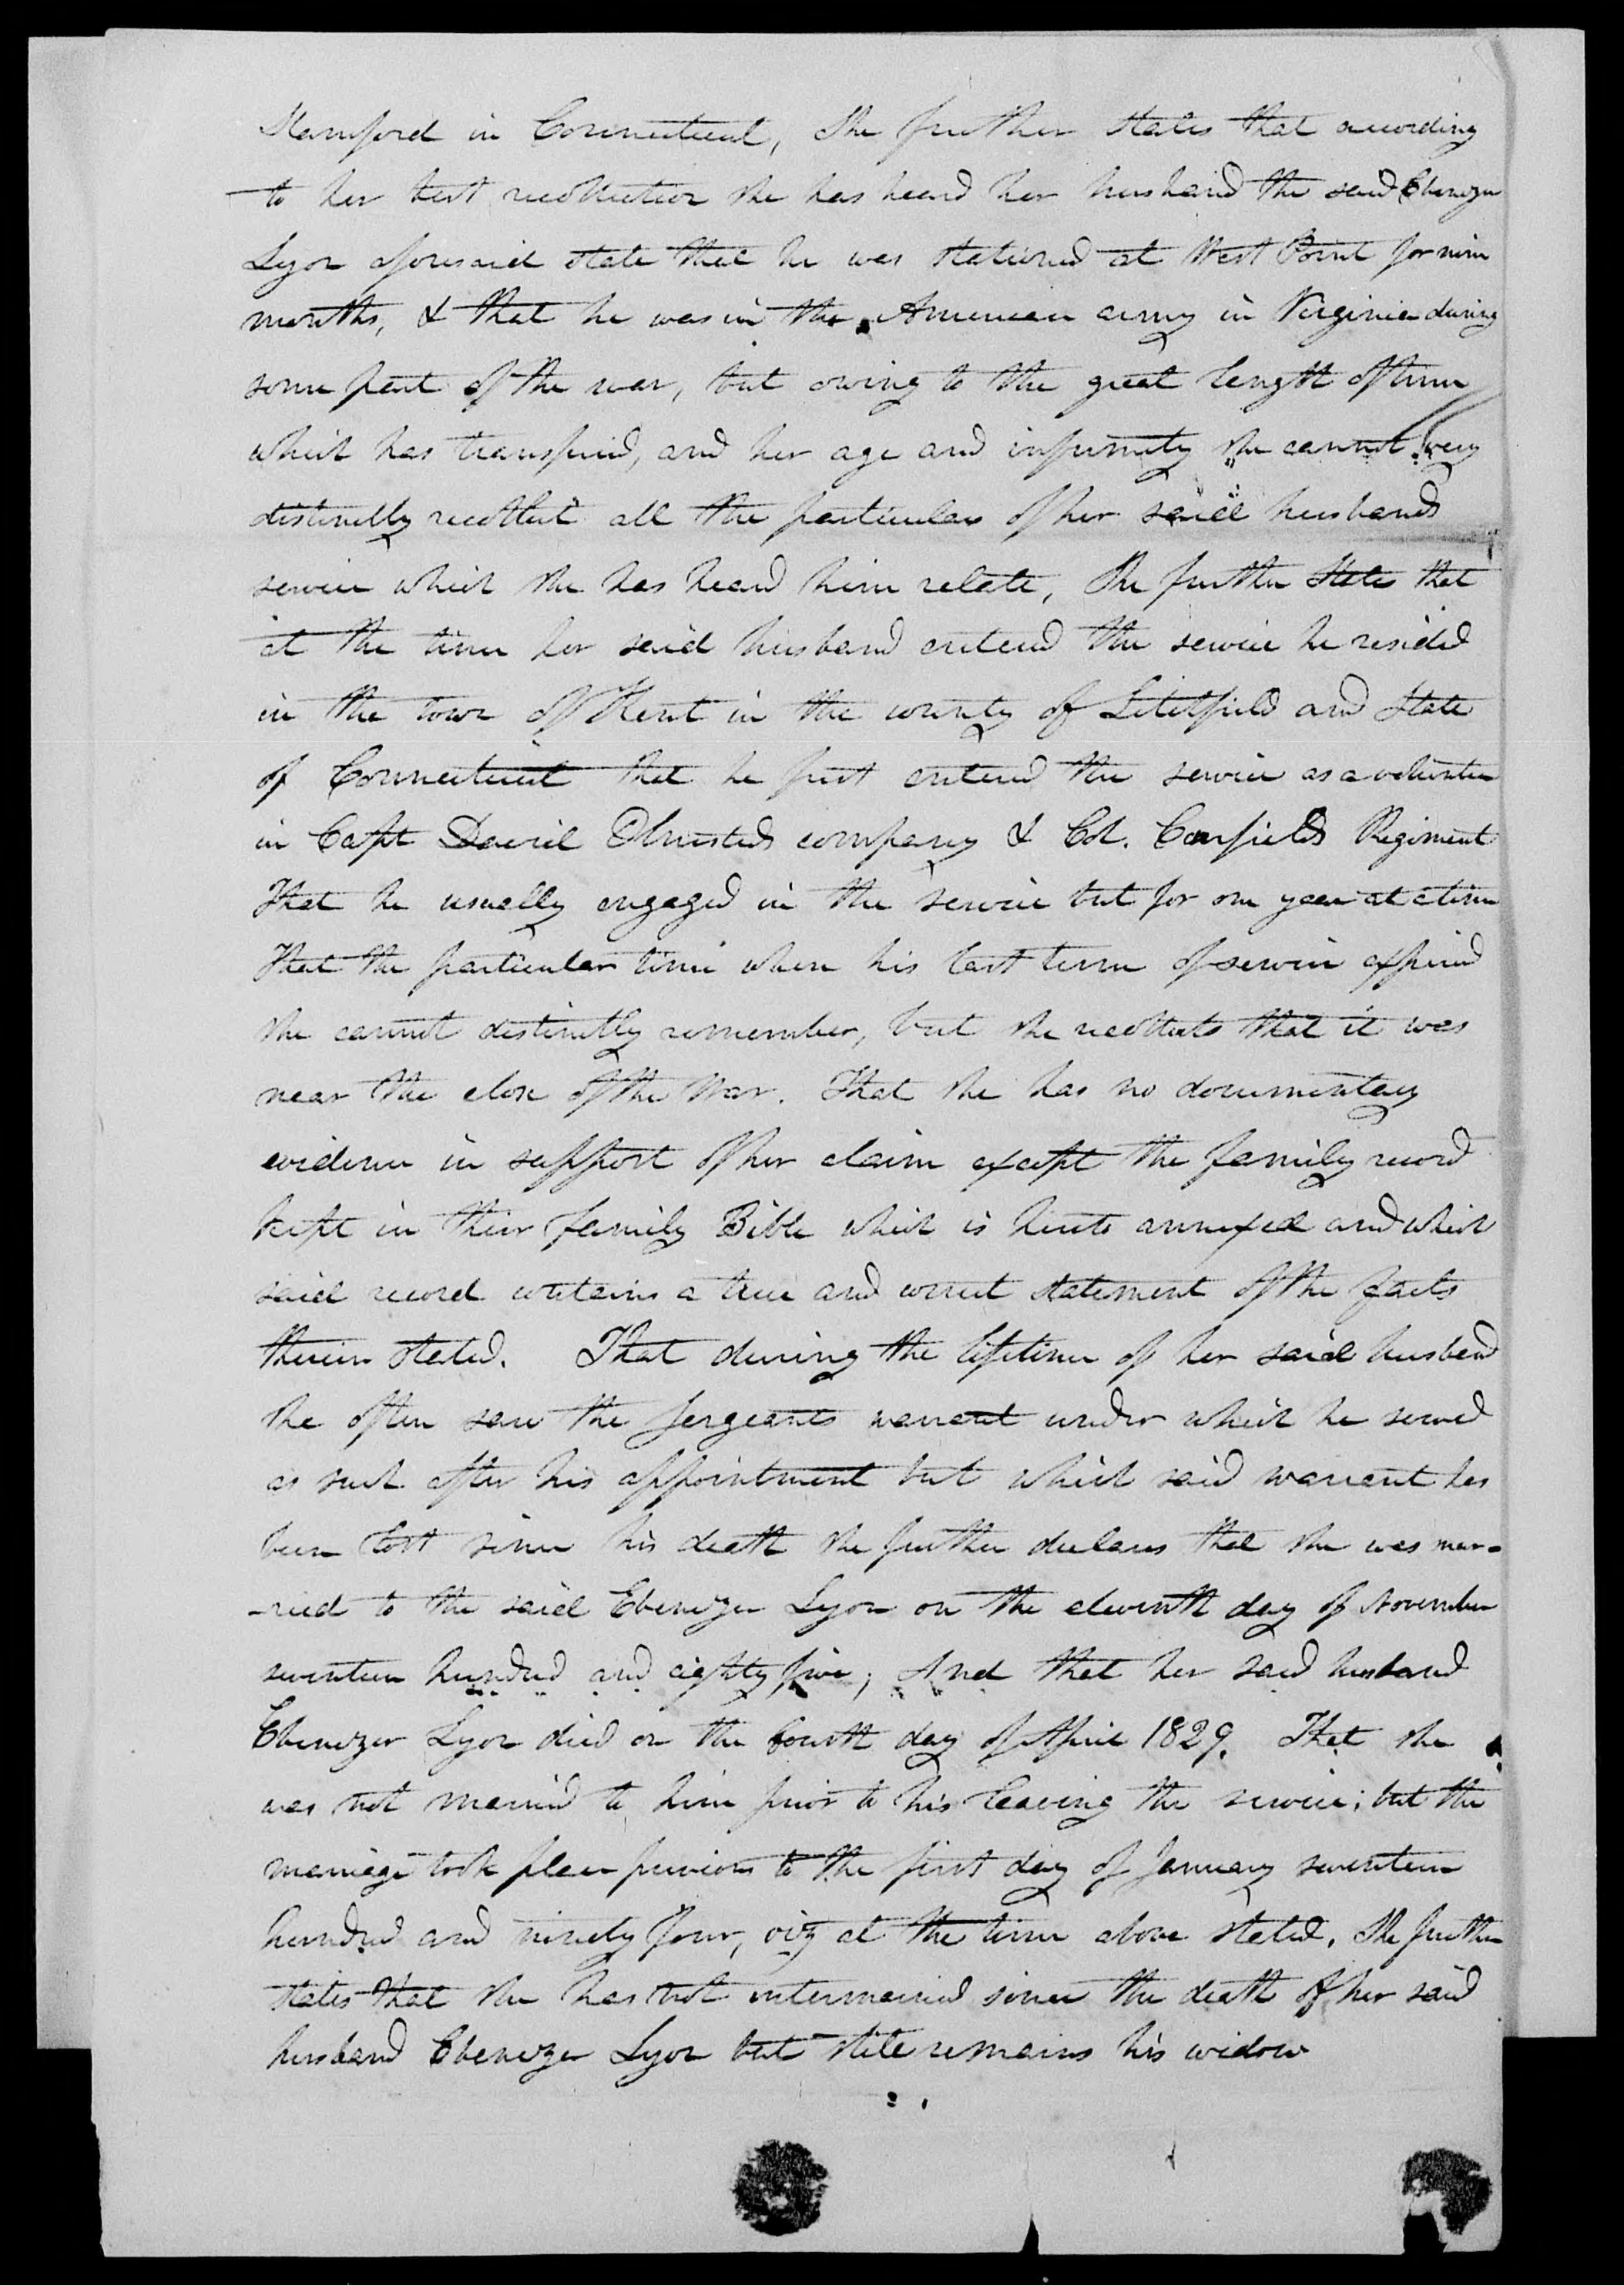Stamford in Connecticut, She further states that according to her best recollection she has heard her husband the said Ebenezer Lyon aforesaid state that he was stationed at West Point for nine months, & that he was in the American army in Virginia during some part of the war, but owing to the great length of time which has transpired, and her age and infirmity she cannot very distinctly recollect all the particulars of her said husbands service which she has heard him relate, She further states that at the time her said husband entered the service he resided in the town of Kent in the county of Litchfield and State of Connecticut that he first entered the service as a volunteer in Capt David Olmsteds company & Col. Canfields Regiment 
That he usually engaged in the service but for one year at a time 
That the particular time when his last term of service expired she cannot distinctly remember, but she recollects that it was near the close of the War. That she has no documentary evidence in support of her claim except the family record kept in their family Bible which is hereto annexed and which said record contains a true and correct statement of the facts therein stated. That during the lifetime of her said husband she often saw the Sergeants warrant under which he served as such after his appointment but which said warrant has been lost since his death she further declares that she was married to the said Ebenezer Lyon on the eleventh day of November seventeen hundred and eighty five, And that her said husband Ebenezer Lyon died on the fourth day of April 1829. That she was not married to him prior to his leaving the service; but the marriage took place previous to the first day of January seventeen hundred and ninety four, viz at the time above stated. She further states that she has not intermarried since the death of her said husband Ebenezer Lyon but still remains his widow,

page: 6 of 40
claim: widow's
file: W. 24,615, for Ebenezer Lyon, Connecticut